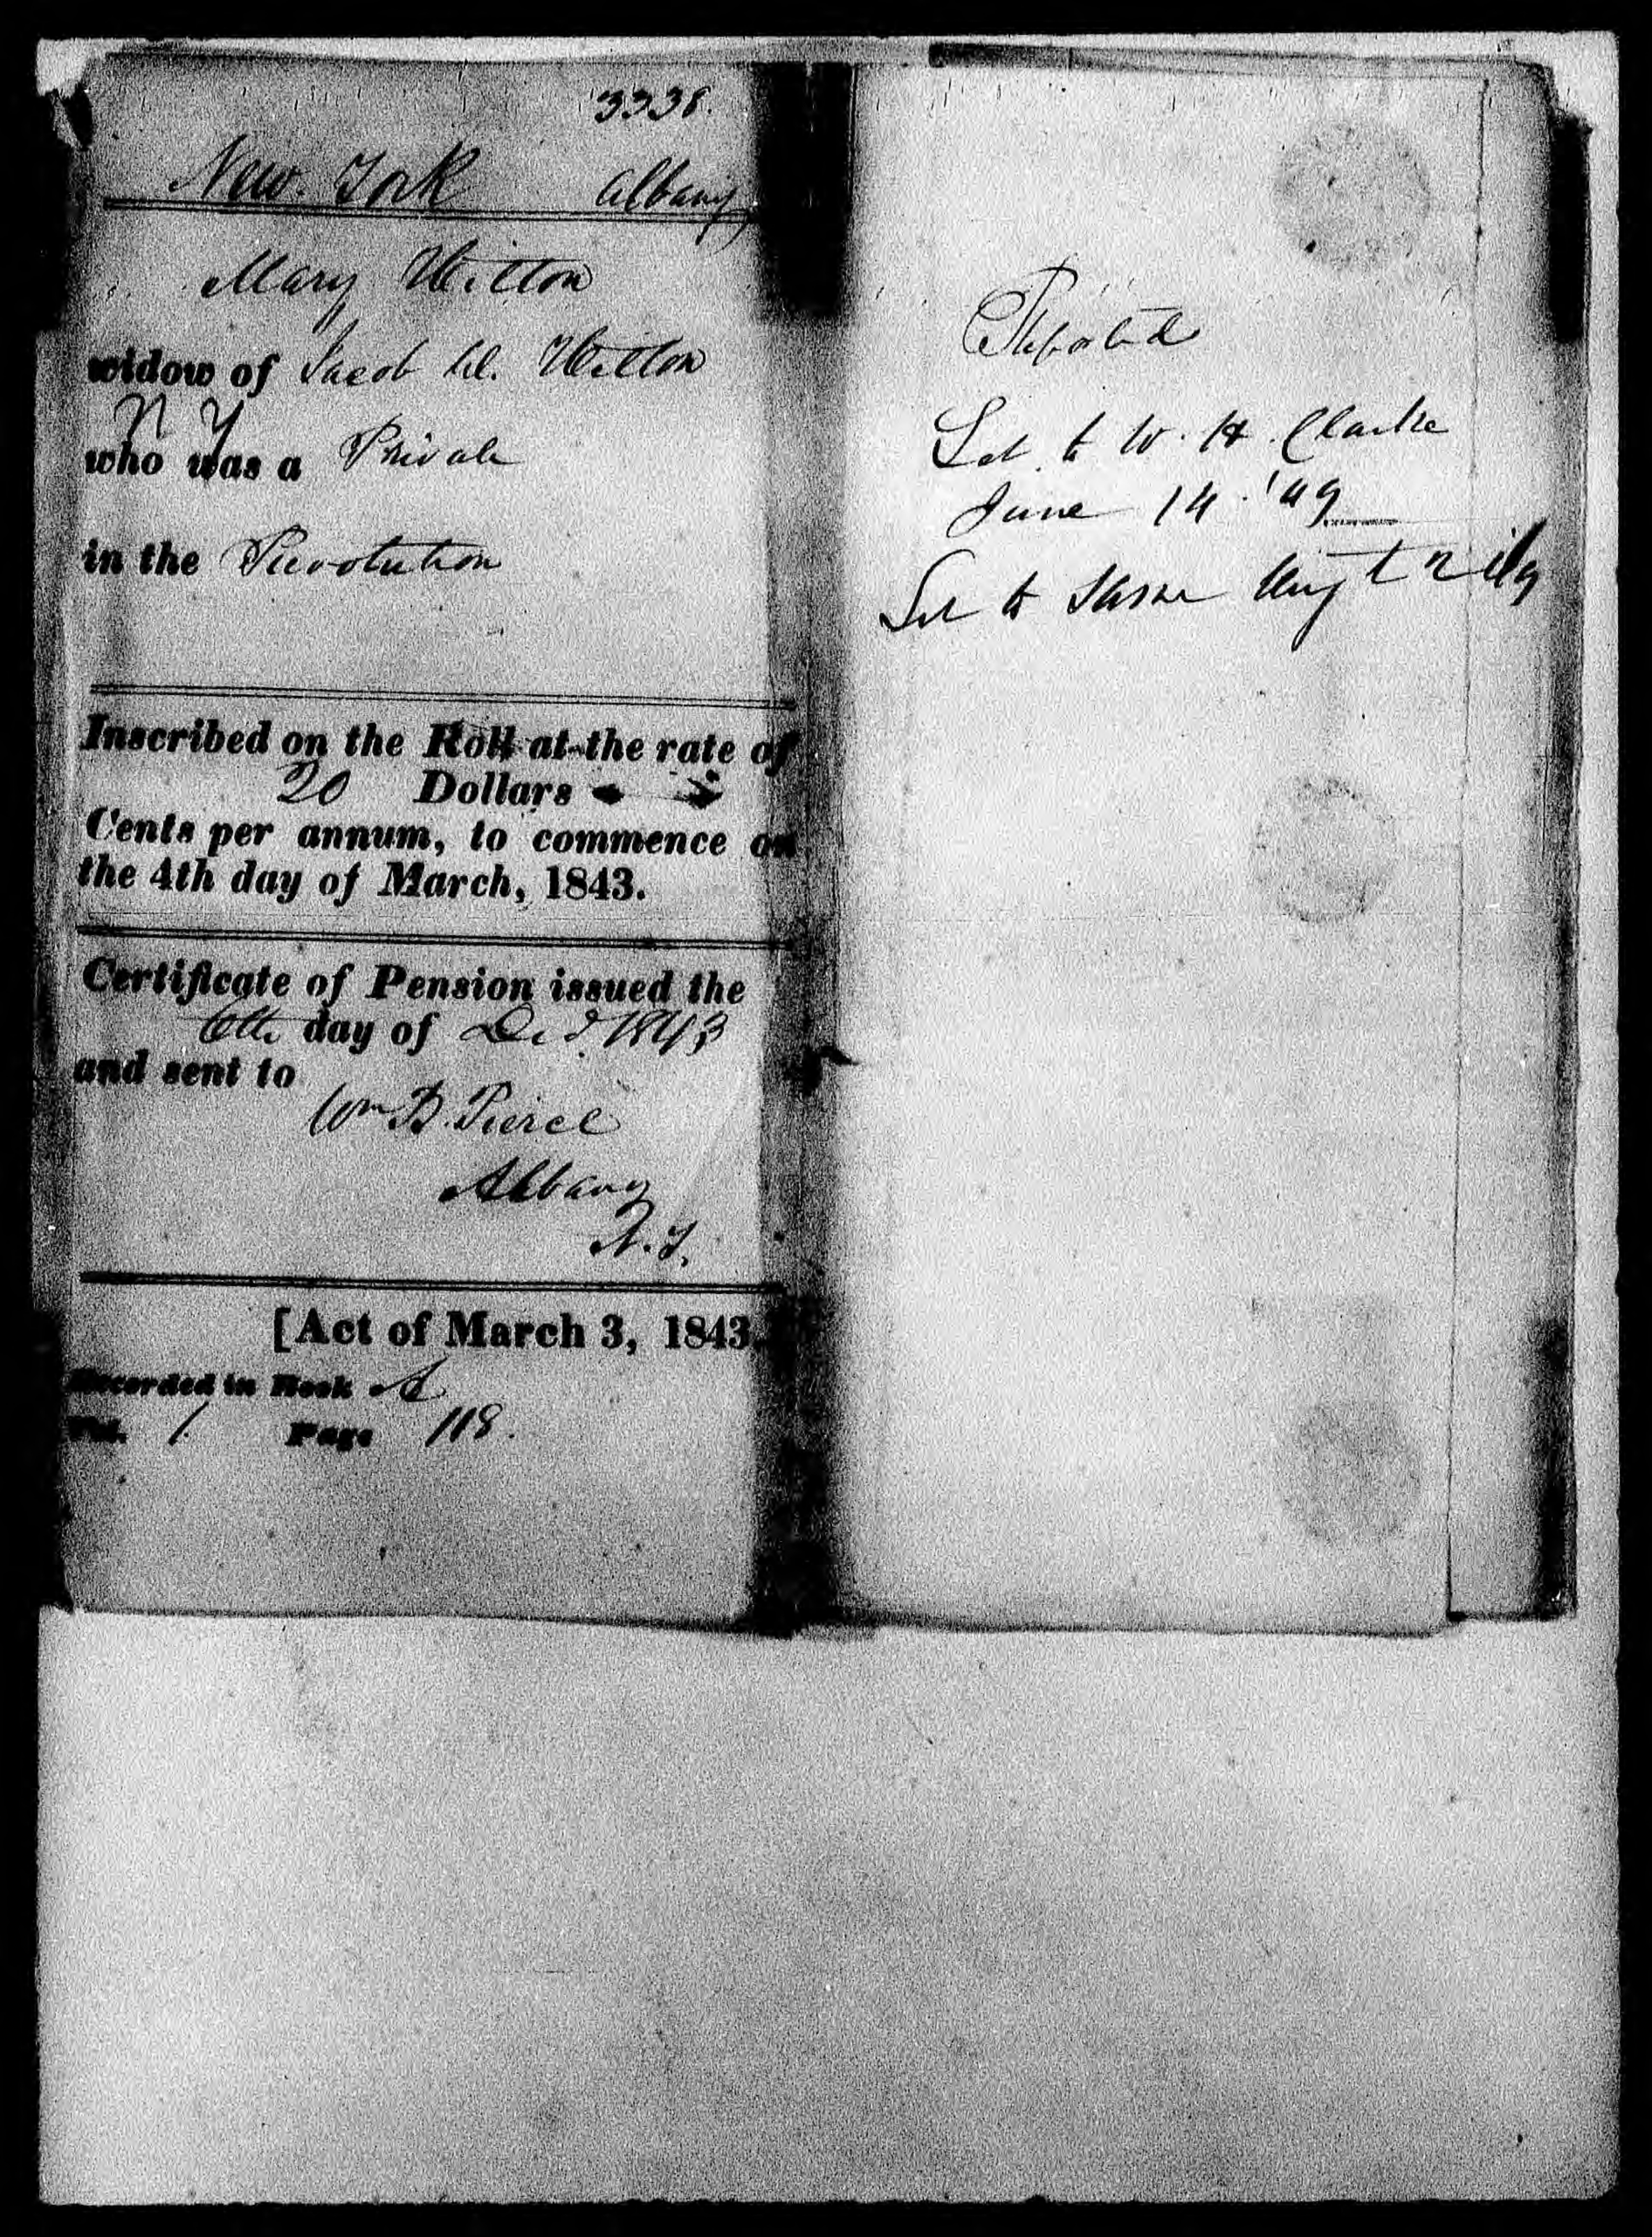3338
New York Albany
Mary Hilton
widow of Jacob W. Hilton
NY 
who was a private
in the Revolution

Inscribed on the Roll at rate of 
20 Dollars
Cents per annum, to commence on the 4th of March, 1843.

Certificate of Pension issued the 6th day of Dec 1843 and sent to W B Pierce
Albany 
N.Y.

Act of March 3, 1843
Recorded in Week A
Vol. 1 Page 118

Allocated lot to W. H. Charlie
June 14 '49

{illegible} to {illegible}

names: Jacob W Hilton, Mary Hilton, W H Clarke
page: 9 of 48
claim: widow's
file: W. 19788, Jacob W Hilton, New York